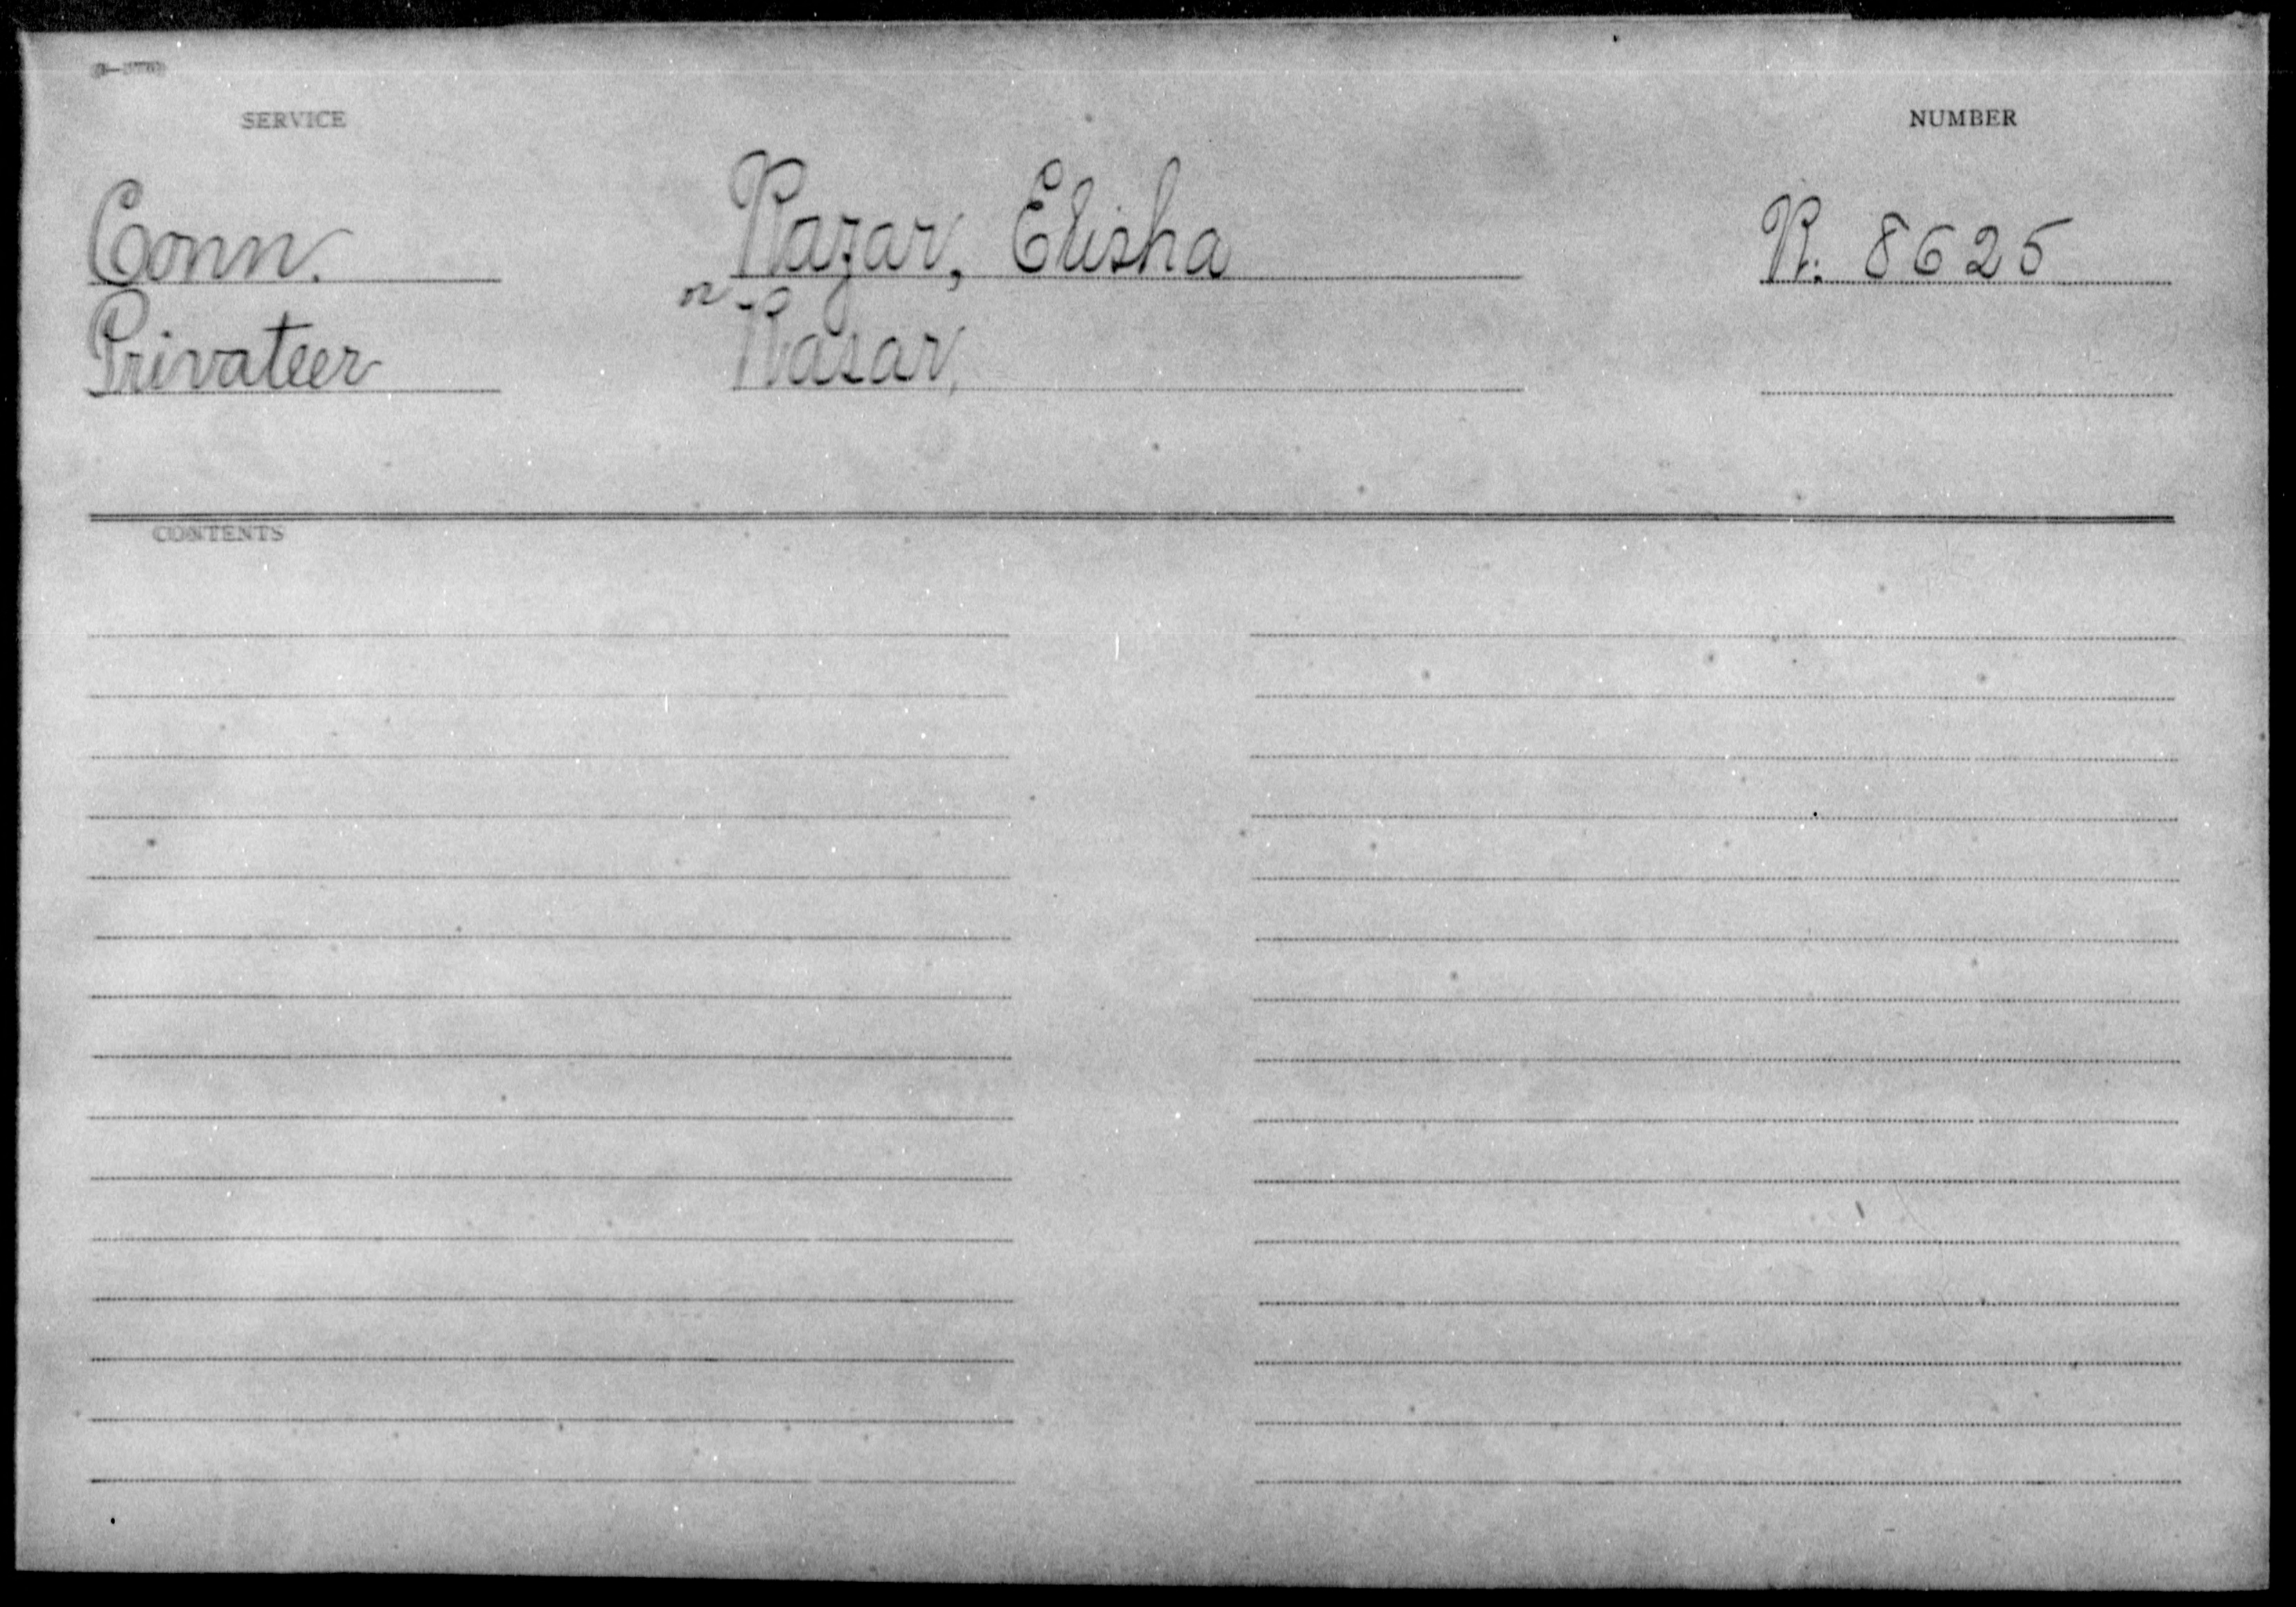SERVICE
Conn.
Privateer

Razar, Elisha
or
Rasar

NUMBER
R. 8625

CONTENTS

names: Elisha Rasar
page: 1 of 30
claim: rejected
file: R. 8625, for Elisha Razar, Connecticut